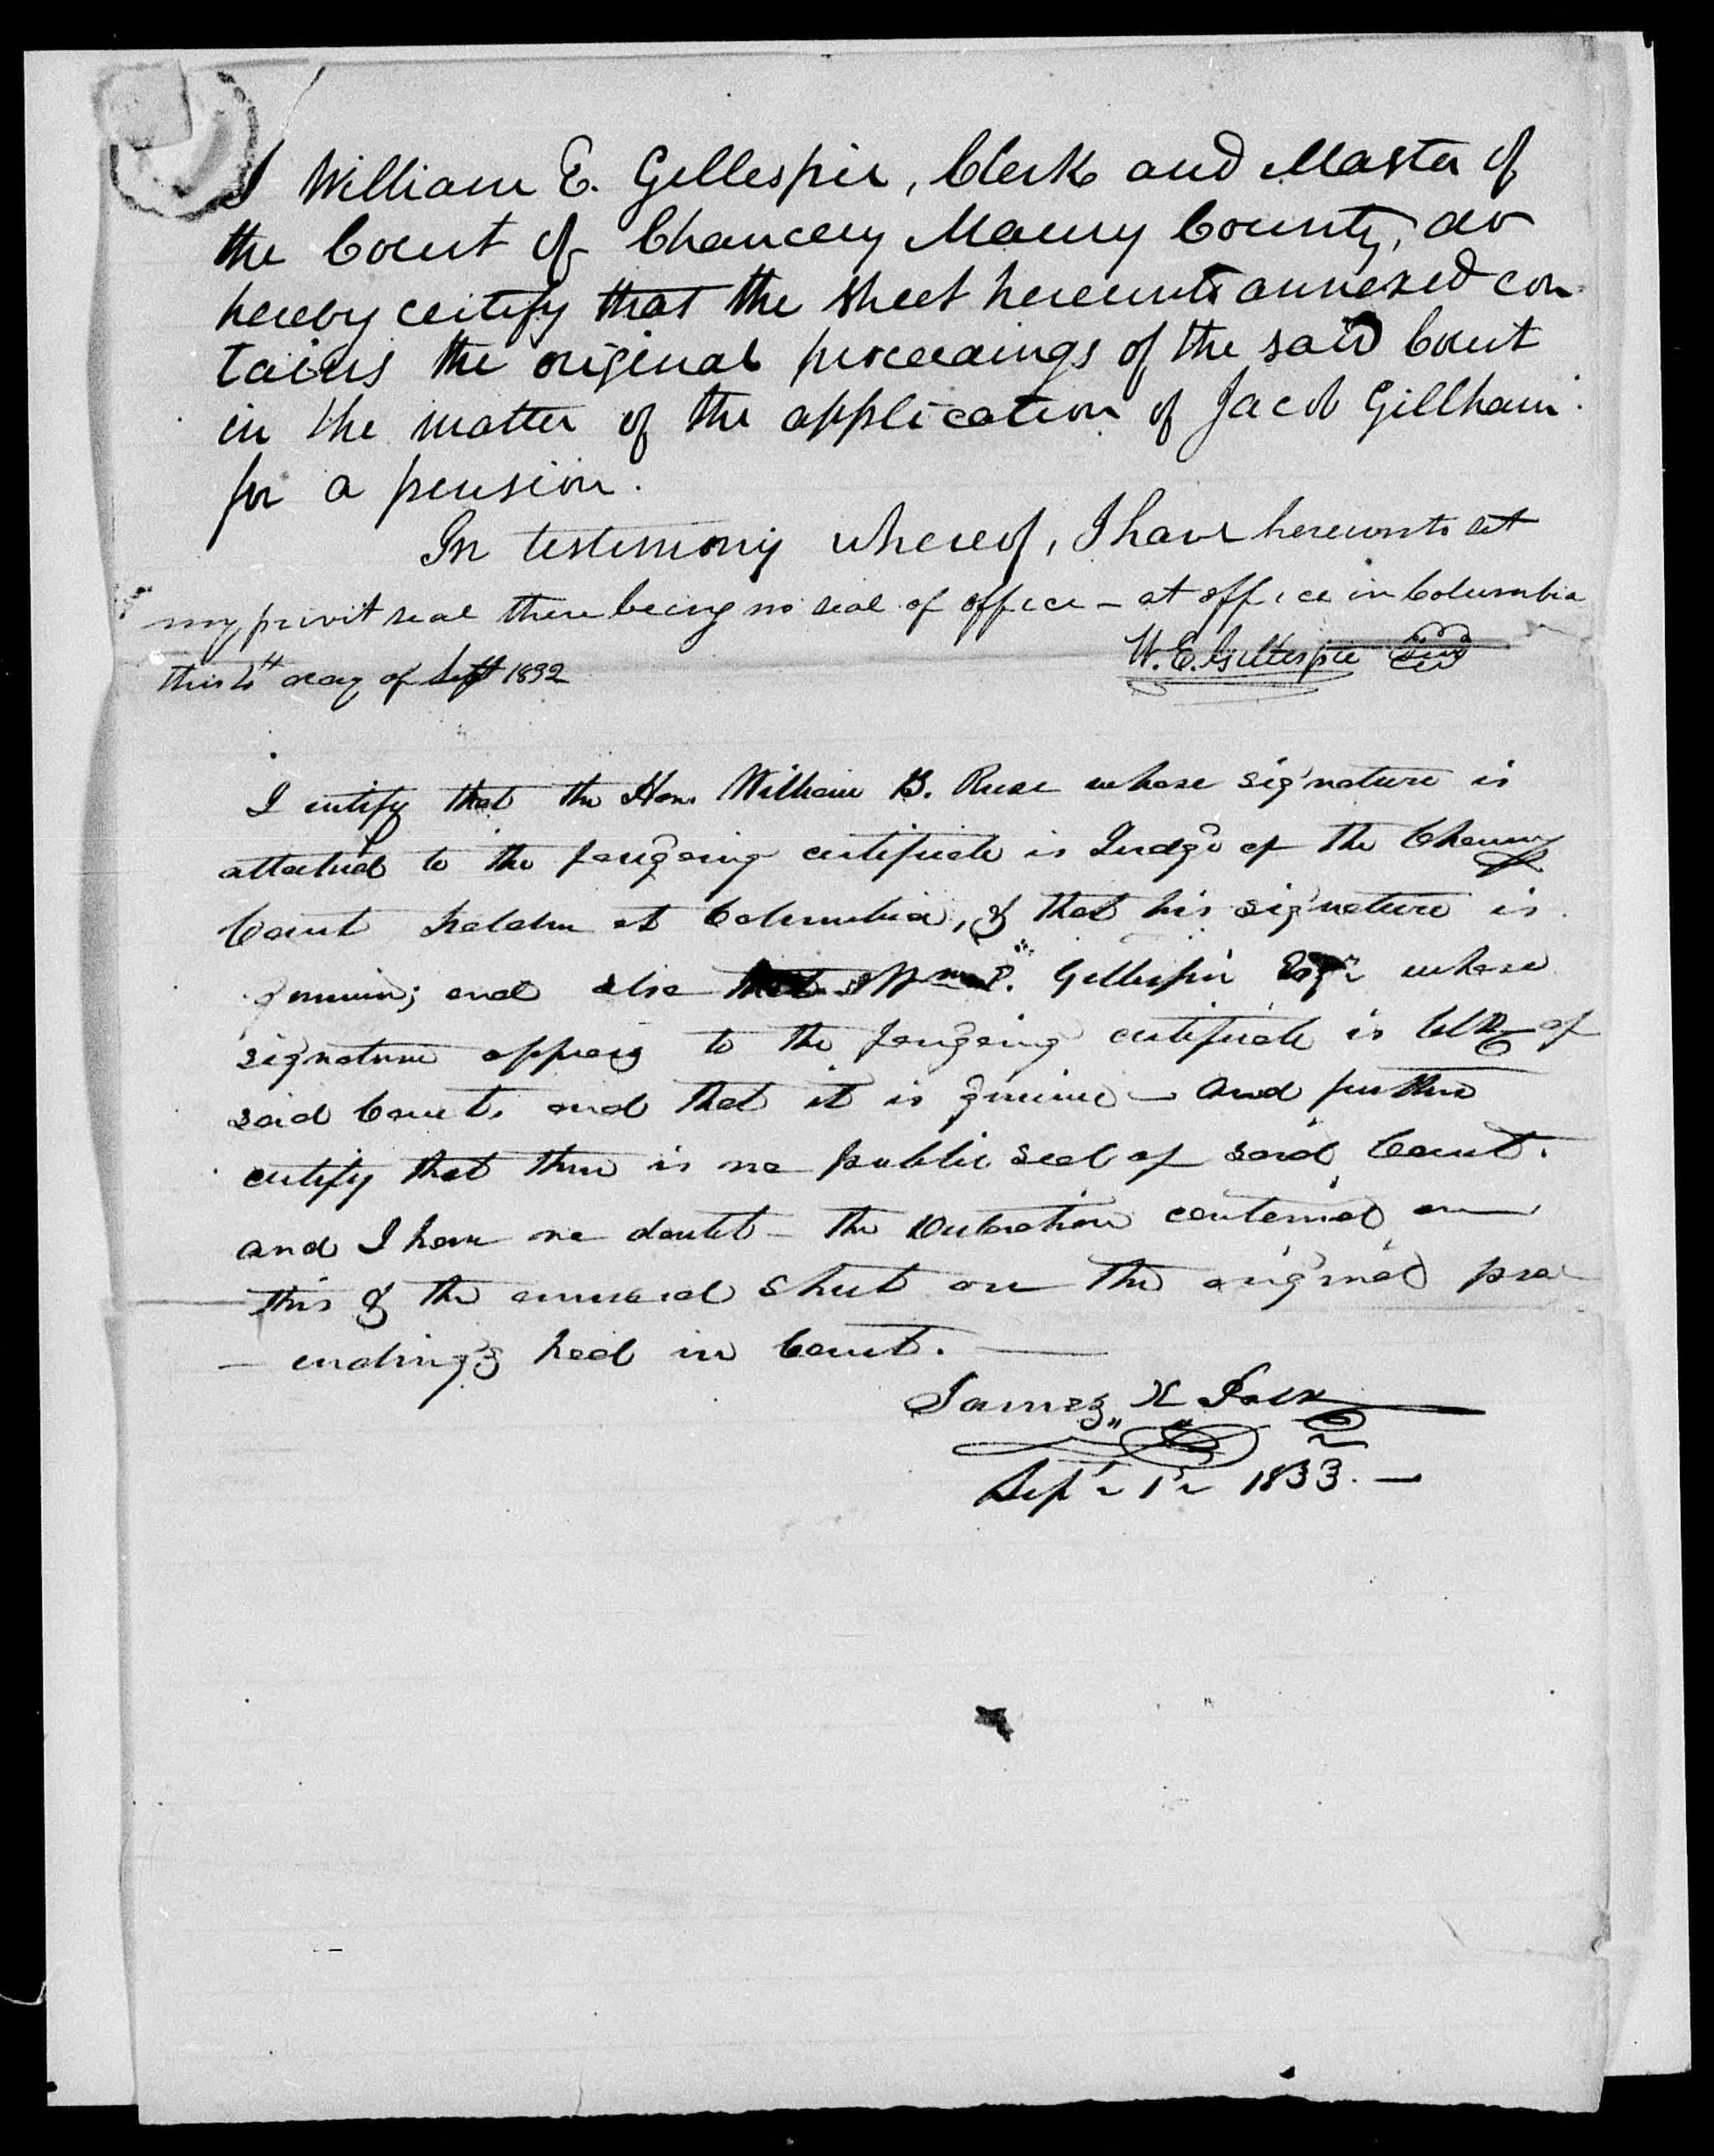I William E Gillespie clerk and master of the court of Chancery Maury County do hereby certify that the sheet hereunto annexed contains the original proceedings of the said court in the matter of the application of Jacob Gillham for a pension
In testimony whereof I have hereunto set my privit seal there being no seal of office at office in Columbia this 4th day of Sept 1832 WE Gillespie seal
I certify that the Hon William B Reese whose signature is attached to the forgoing certificate is Judge of the Chancery court Tatetm at Columbia & that his signature is Genuine; and also Wm P Gillespie Esqr whose signature appears to the foregoing certificate is clerk of said court and that it is genuine and further certify that there is no public seal of said court and I have no doubt the declaration contained are this & the annexed sheet are the signed procendings had in court
James K Polk
Septr 1833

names: William B Reese, Wm E Gillespie, James K Polk, William E Gillespie, W E Gillespie, Jacob Gillham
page: 10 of 17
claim: survivor's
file: S 3397, Jacob Gillham, S.C.